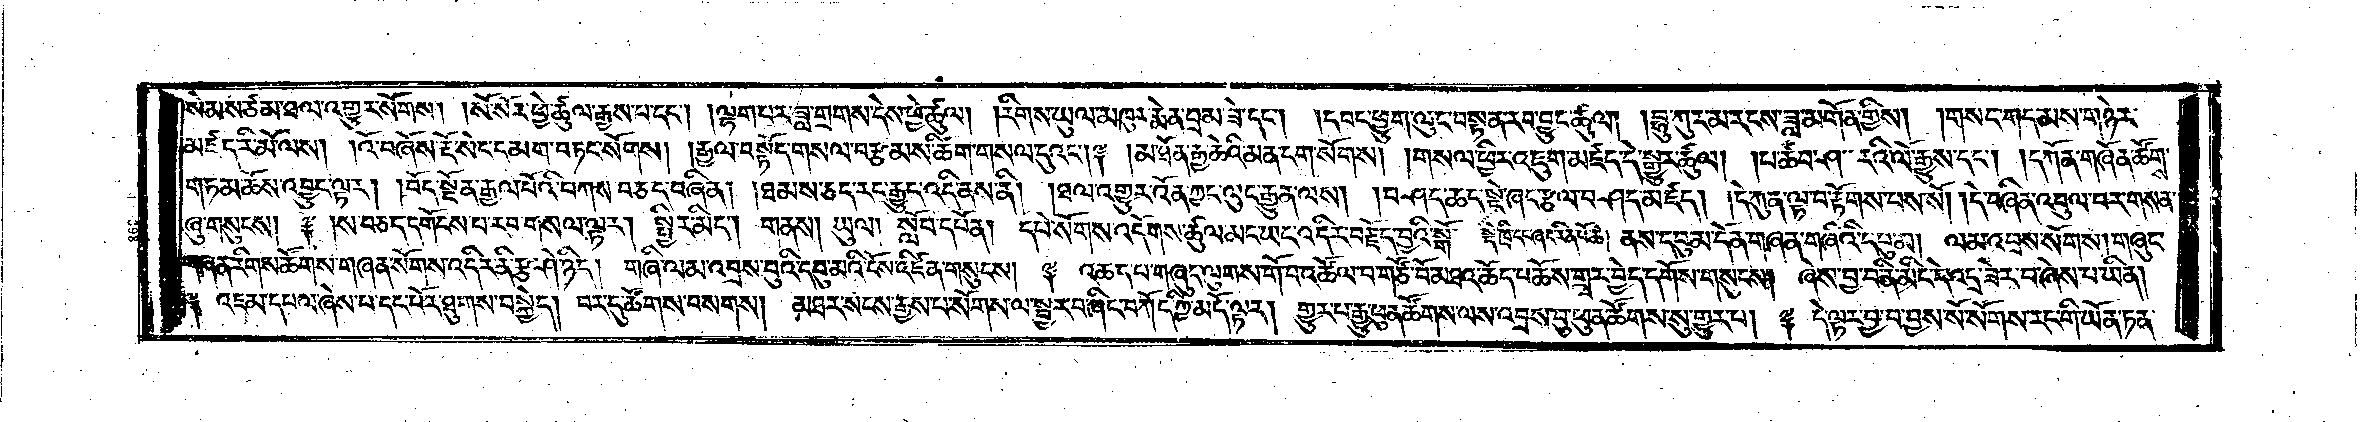སེམས་ཙམ་ཐལ་འགྱུར་སོགས། །སོ་སོར་ཕྱེ་ཚུལ་རྒྱས་པ་དང་། །ལྷག་པར་ཟླ་གྲགས་དེས་ཕྱེ་ཚུལ། །རིགས་ཡུལ་མཁུར་རྨེན་བྲམ་ཟེ་དང་། །དབང་ཕྱུག་ལུང་བསྟན་རབ་བྱུང་ཚུལ། །བྷུ་ཀུར་མ་རངས་ཟླ་མགོན་གྱིས། །གསང་གདམས་གཉེར་
མཛད་རི་མོ་ལས། །འོ་བཞོས་རྡོ་སེང་དམག་བཏང་སོགས། །རྒྱལ་བསྟོད་གསལ་བརྩམས་ཚིག་གསལ་དུའང་། ༈ །མ་ཐོན་རྒྱ་ཆེའི་མན་ངག་སོགས། །གསལ་ཕྱིར་འཇུག་མཛད་དེ་སྒྱུར་ཚུལ། །པ་ཚབ་ཤ་རའི་ལོ་རྒྱུས་དང་། །དཀོན་གཞོན་ཚོགས་
གཏམ་ཆོས་འབྱུང་ལྟར། །བོད་སྔོན་རྒྱལ་པོའི་བཀས་བཅད་བཞིན། །ཐམས་ཅད་རང་རྒྱུད་འདི་ནས་ནི། །ཐལ་འགྱུར་འོན་ཀྱང་ལུང་རྒྱུན་ལས། །བཤད་ཆད་སྡེ་ཞང་རྩལ་བཤད་མཛད། །དེ་ཀུན་ལྟ་བ་རྟོགས་པས་སོ། །དེ་བཞིན་འབུལ་བར་གསན་
ཞུ་གསུངས། ༈ །ས་བཅད་དགོངས་པ་རབ་གསལ་ལྟར། སྤྱིར་མིང་། གནས། ཡུལ། སློབ་དཔོན། དཔེ་སོགས་འདོགས་ཚུལ་མང་ཡང་འདིར་བརྗོད་བྱའི་སྒོ་སྡེ་ཁྲི་དང་ཞང་རིན་པོ་ཆེ།  ནས་དབུ་མ་དོན་གཞན་གཞིའི་དབུ་མ། ལམ་འབྲས་སོགས། གཞུང་
གཞན་རིགས་ཚོགས་གཞན་སོགས་འདིར་ནི་རྩ་ཤེ་ཉིད། གཞི་ལམ་འབྲས་བུའི་དབུ་མའི་ངོས་འཛིན་གསུངས། ༈ འཆད་པ་གཞུང་ལུགས་གོ་བ་འཚོལ་བ་གཙོ་བོ་མཐའ་ཆོད་པ་ཆོས་གྲྭར་བྱེད་དགོས་གསུངས། ཞེས་བྱ་བ་ནི་མིང་དེ་འདྲ་ཟེར་བ་ཞེས་པ་ཡིན།
འཇམ་དཔལ་ཞེས་པ་དང་པོར་ཐུགས་བསྐྱེད། པར་དུ་ཚོགས་བསགས། མཐར་སངས་རྒྱས་པ་སོགས་ལ་སྦྱར་བ་ཞིང་བཀོད་ཀྱི་མདོ་ལྟར། གྱུར་པ་རྒྱུ་ཕུན་ཚོགས་ལས་འབྲས་བུ་ཕུན་ཚོགས་སུ་གྱུར་པ། ༈ དེ་ལྟར་བྱ་བ་བྱས་སོ་སོགས་རང་གི་ཡོན་ཏན་